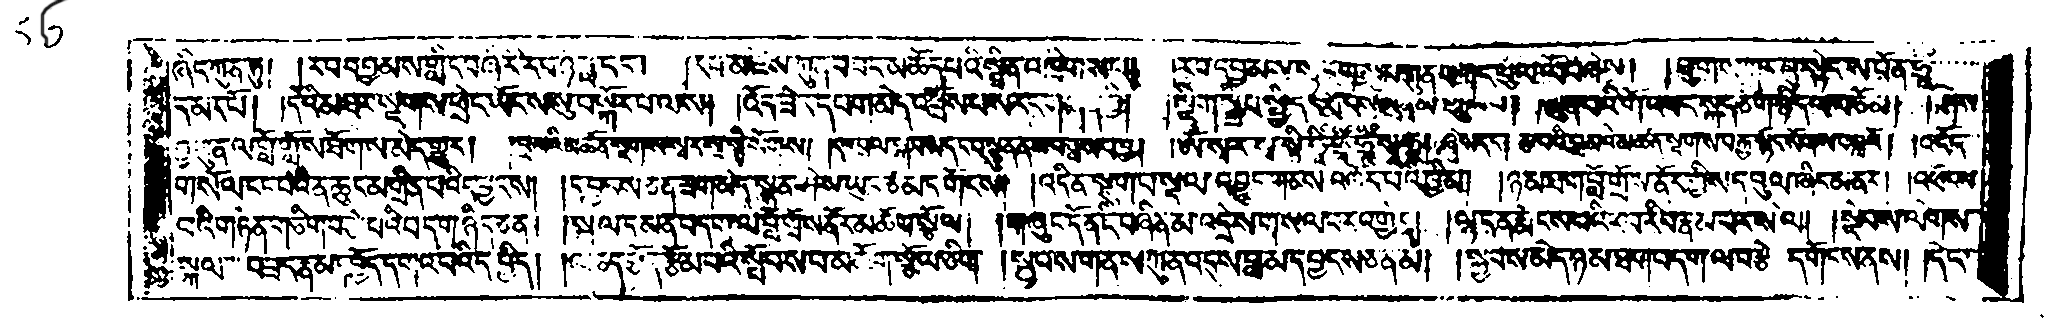ཞིང་ཀུན་ཏུ། །རབ་འབྱམས་གླིང་བཞི་རི་རབ་ཉི་ཟླ་དང་། །རབ་མཛེས་ཀུན་བཟང་མཆོད་པའི་སྤྲིན་འཁྲིགས་པ། །རབ་འབྱམས་སྟོང་གསུམ་ཀུན་བཀང་ཕུལ་ལོ་བཞེས། །ཐུགས་ཀར་བླ་སྟེང་ས་བོན་ཧྲཱིཾ་
དམར་པོ། །དེའི་མཐར་སྔགས་ཕྲེང་ཡོངས་སུ་བསྐོར་པ་ལས། །འོད་ཟེར་དཔག་མེད་འཕྲོས་པས་རང་གཞན་གྱི། །སྡིག་སྒྲིབ་སྤྱི་དང་རྨོངས་མུན་མ་ལུས་པ། །མུན་པའི་གོ་འཕང་སྐད་ཅིག་ཉིད་ལ་བཅོམ། །ཤེས་
བྱ་ཀུན་ལ་བློ་གློས་ཐོགས་མེད་གྱུར། །བླ་མའི་མཚོན་?་སྔགས་སྭར་སྭ་སྟི་སོགས། །དལ་བྲེལ་སྐབས་དང་བསྟུན་ནས་བཟླས་པ་བྱ། །ཨོཾ་སྭ་ར་སྭ་སྟི་ཧྲཱིཾ་ཧྲཱིཾ་ཧྲཱིཾ་སྭཱ་ཧཱ། ཞེས་དང་། རྩ་བའི་བླ་མའི་མཚན་སྔགས་བརྒྱ་སྟོང་སོགས་བཟླའོ།  །འདོད་
གསོལ་ངང་བའི་ན་ཆུང་མགྲིན་པའི་དབྱངས། །དབྱངས་ཅན་ཟག་མེད་སྙན་ཤེས་ཡུད་ཙམ་དགོངས། །འདི་ན་སྡུག་བསྔལ་འབྱུང་གནས་འཁོར་བའི་ཁྱིམ། །ཉམ་ཐག་བློ་གྲོས་ནོར་གྱིས་དབུལ་ཞིང་མནར། །འཕོངས་
བའི་གཉེན་གཅིག་བརྩེ་པའི་བདག་ཉིད་ཅན། །སྐལ་དམན་བདག་ལ་བློ་གྲོས་ནོར་མཆོག་སྩོལ། །གཞུང་དོན་ཇི་བཞིན་མ་འདྲེས་གསལ་བར་འགྱེད། །ལྟ་ངན་རྨོངས་པའི་རབ་རིབ་རྣམ་པར་སེལ། །སྡེབས་ལེགས་
སྐལ་བཟང་རྣམ་དཔྱོད་དགའ་བའི་དཔྱིད། །འཆད་རྩོད་རྩོམ་པའི་སྤོབས་པ་མཆོག་སྩོལ་ཅིག །སྐྱབས་གནས་ཀུན་འདུས་བླ་མ་དབྱངས་ཅན་མ། །སྐྱབས་མེད་ཉམ་ཐག་བདག་ལ་བརྩེ་དགོངས་ནས། །དེང་